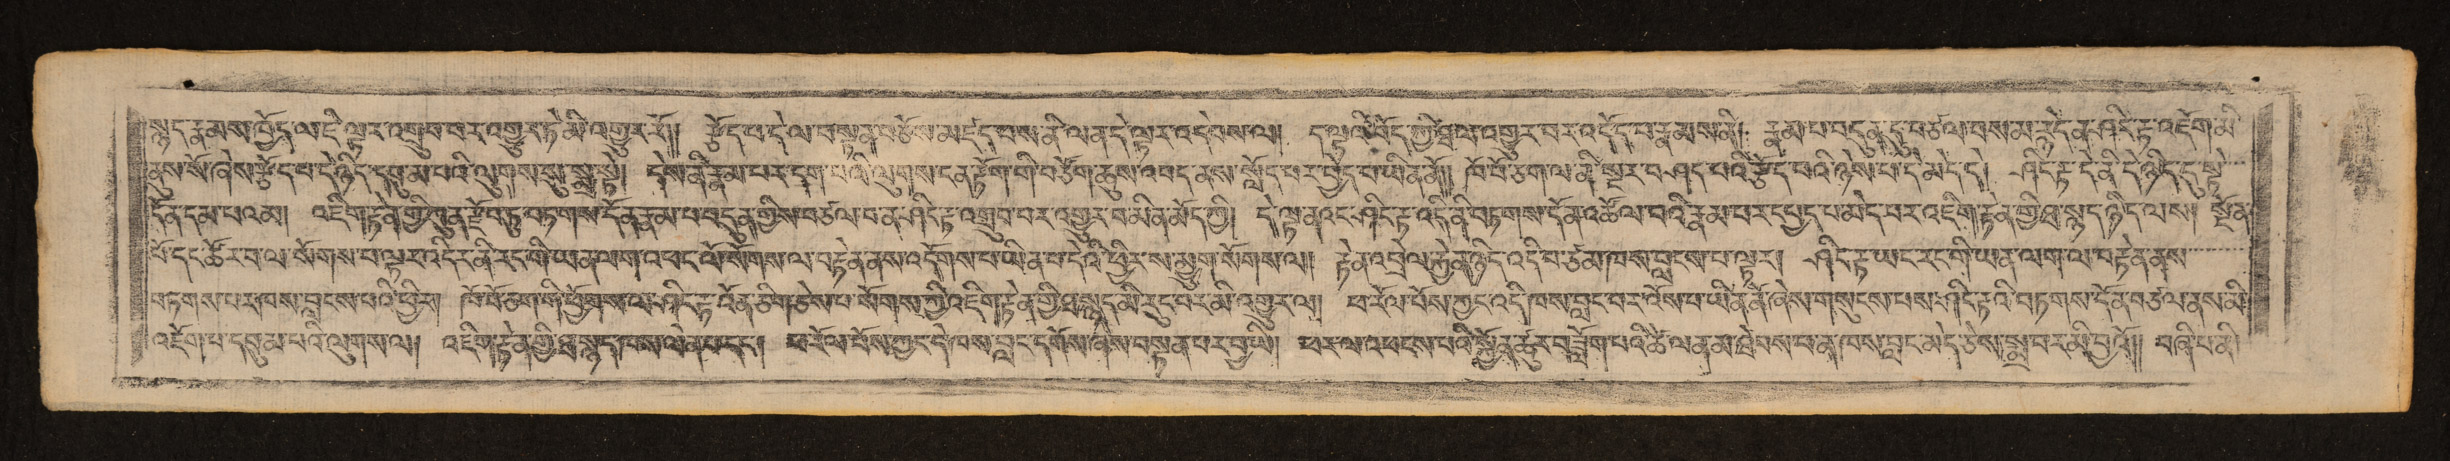སྙད་རྣམས་ཁྱོད་ལ་ཇི་ལྟར་འགྲུབ་པར་འགྱུར་ཏེ་མི་འགྱུར་རོ།། རྩོད་པ་དེ་ལ་བསྟན་བཅོས་མཛད་པས་ནི་ལན་དེ་ལྟར་འདེབས་ལ། ད་ལྟའི་བོད་ཀྱི་ཐལ་འགྱུར་བར་འདོད་པ་རྣམས་ནི། རྣམ་པ་བདུན་དུ་བཙལ་བས་མ་རྙེད་ན་ཤིང་རྟ་འཇོག་མི་
ནུས་སོ་ཞེས་རྩོད་པ་དེ་ཉིད་དབུ་མ་པའི་ལུགས་སུ་སྨྲ་སྟེ། དེས་ནི་རྣམ་པར་དག་པའི་ལུགས་ངན་རྟོག་གི་བཙོག་ཆུས་འབད་ནས་སློད་པར་བྱེད་པ་ཡིན་ནོ།། ཁོ་བོ་ཅག་ལ་ནི་སྔར་བཤད་པའི་རྩོད་པའི་ཉེས་པ་དེ་མེད་དེ། ཤིང་རྟ་དེ་ནི་དེ་ཉིད་དུ་སྟེ་
དོན་དམ་པའམ། འཇིག་རྟེན་གྱི་ཀུན་རྫོབ་ཏུ་བཏགས་དོན་རྣམ་པ་བདུན་གྱིས་བཙལ་བ་ན་ཤིང་རྟ་འགྲུབ་པར་འགྱུར་བ་མིན་མོད་ཀྱི། དེ་ལྟ་ནའང་ཤིང་རྟ་འདི་ནི་བཏགས་དོན་འཚོལ་བའི་རྣམ་པར་དཔྱད་པ་མེད་པར་འཇིག་རྟེན་གྱི་ཐ་སྙད་ཉིད་ལས། སྔོན་
པོ་དང་ཚོར་བ་ལ་སོགས་པ་ལྟར་འདིར་ནི་རང་གི་ཡན་ལག་འཕང་ལོ་སོགས་ལ་བརྟེན་ནས་འདོགས་པ་ཡིན་པ་དེའི་ཕྱིར་ས་མྱུག་སོགས་ལ། རྟེན་འབྲེལ་རྐྱེན་ཉིད་འདི་པ་ཙམ་ཁས་བླངས་པ་ལྟར། ཤིང་རྟ་ཡང་རང་གི་ཡན་ལག་ལ་བརྟེན་ནས་
བཏགས་པར་ཁས་བླངས་པའི་ཕྱིར། ཁོ་བོ་ཅག་གི་ཕྱོགས་ལ་ཤིང་རྟ་འོན་ཅིག་ཅེས་པ་སོགས་ཀྱི་འཇིག་རྟེན་གྱི་ཐ་སྙད་མི་རུང་བར་མི་འགྱུར་ལ། ཕ་རོལ་པོས་ཀྱང་འདི་ཁས་བླང་བར་འོས་པ་ཡིན་ནོ་ཞེས་གསུངས་པས་ཤིང་རྟའི་བཏགས་དོན་བཙལ་ནས་མི་
འཇོག་པ་དབུ་མ་པའི་ལུགས་ལ། འཇིག་རྟེན་གྱི་ཐ་སྙད་ཁས་ལེན་པ་དང་། ཕ་རོལ་པོས་ཀྱང་དེ་ཁས་བླང་དགོས་ཞེས་བསྟན་པར་བྱ་ཡི། ཕར་ལ་འཕངས་པའི་སྐྱོན་ཚུར་བཟློག་པའི་ཚེ་ལན་མ་ཐེབས་པ་ན་ཁས་བླང་མེད་ཅེས་སྨྲ་བར་མི་བྱའོ།། བཞི་པ་ནི།